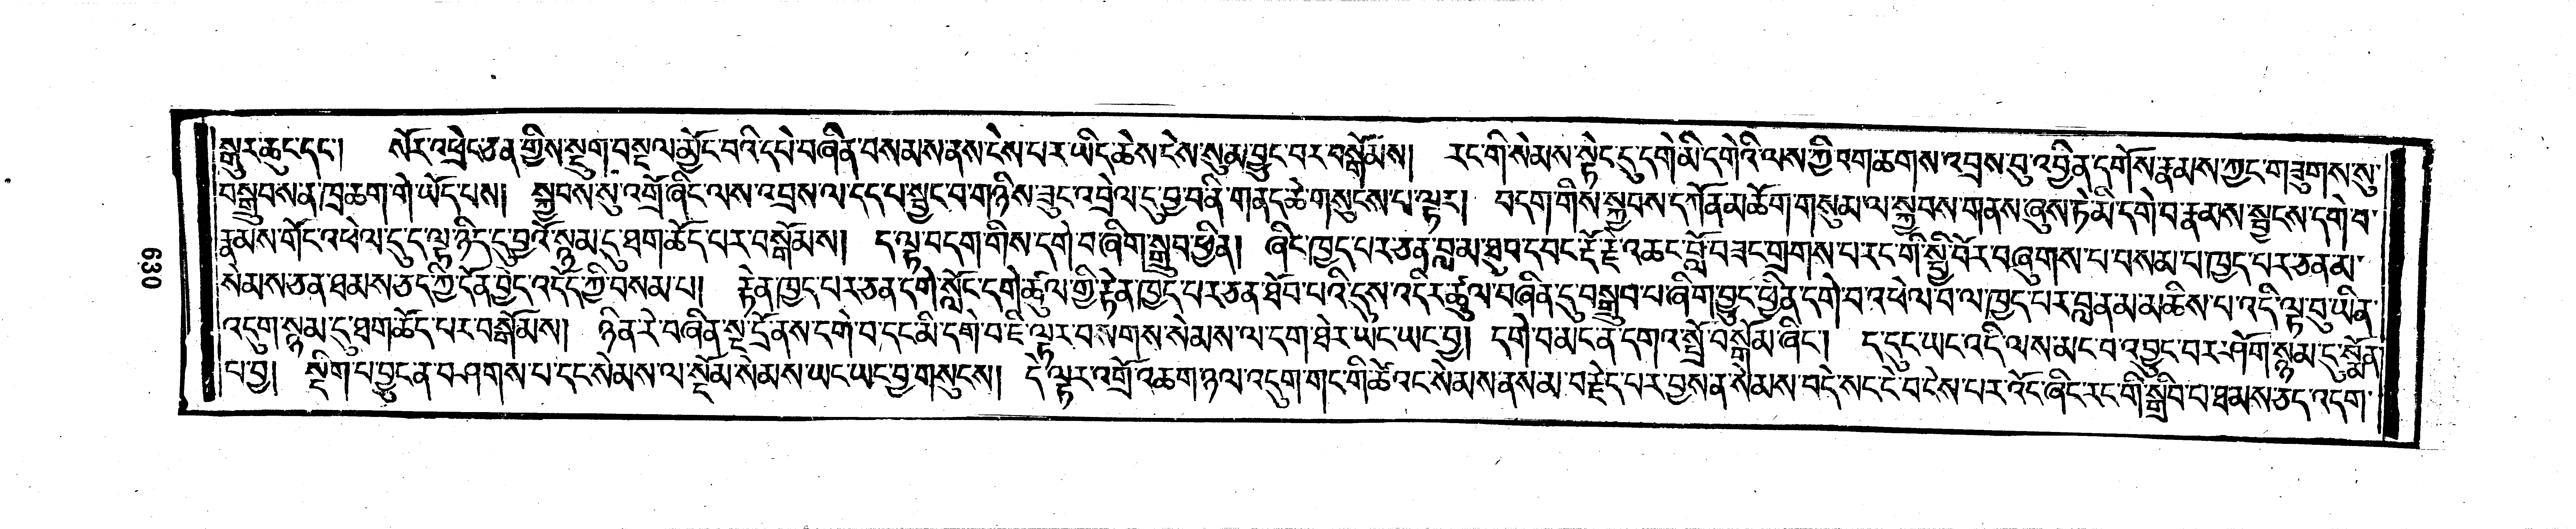སྒུར་ཆུང་དང་། སོར་འཕྲེང་ཅན་གྱིས་སྡུག་བསྔལ་མྱོང་བའི་དཔེ་བཞིན་བསམས་ནས་ངེས་པར་ཡིད་ཆེས་ངེས་སུ་མ་བྱུང་བར་བསྒོམས། རང་གི་སེམས་སྟེང་དུ་དགེ་མི་དགེའི་ལས་ཀྱི་བག་ཆགས་འབྲས་བུ་འབྱིན་དགོས་རྣམས་ཀྱང་གཟུགས་སུ་
བསྒྲུབས་ན་ཁྲ་ཆག་གེ་ཡོད་པས། སྐྱབས་སུ་འགྲོ་ཞིང་ལས་འབྲས་ལ་དད་པ་སྦྱང་བ་གཉིས་ཟུང་འབྲེལ་དུ་བྱ་བ་ནི་གནད་ཆེ་གསུངས་པ་ལྟར། བདག་གིས་སྐྱབས་དཀོན་མཆོག་གསུམ་ལ་སྐྱབས་གནས་ཞུས་ཏེ་མི་དགེ་བ་རྣམས་སྦྱངས་དགེ་བ་
རྣམས་གོང་འཕེལ་དུ་ད་ལྟ་ཉིད་དུ་བྱའོ་སྙམ་དུ་ཐག་ཆོད་པར་བསྒོམས། ད་ལྟ་བདག་གིས་དགེ་བ་ཞིག་སྒྲུབ་ཕྱིན། ཞིང་བ་ལ་ཁྱད་པར་བླ་ན་མ་མཆིས་པ་འདི་ལྟ་བུ་ཡིན་པ་རང་གི་སྦྱི་བོར་བཞུགས་པ་བསམ་པ་ཁྱད་པར་ཅན་མ་
སེམས་ཅན་ཐམས་ཅད་ཀྱི་དོན་བྱེད་འདོད་ཀྱི་བསམ་པ། རྟེན་ཁྱད་པར་ཅན་དགེ་སློང་དགེ་ཚུལ་གྱི་རྟེན་ཁྱད་པར་ཅན་ཐོབ་པའི་དུས་འདིར་ཚུལ་བཞིན་དུ་བསྒྲུབ་པ་ཞིག་བྱུང་ཕྱིན་དགེ་བ་འཕེལ་བ་ལ་ཁྱད་པར་བླ་ན་མ་མཆིས་པ་འདི་ལྟ་བུ་ཡིན་
འདུག་སྙམ་དུ་ཐག་ཆོད་པར་བསྒོམས། ཉིན་རེ་བཞིན་སྔ་དྲོ་ནས་དགེ་བ་དང་མི་དགེ་བ་ཇི་ལྟར་བསགས་སེམས་ལ་དག་ཐེར་ཡང་ཡང་བྱ། དགེ་བ་མང་ན་དགའ་སྤྲོ་བསྒོམ་ཞིང་། ད་དུང་ཡང་འདི་ལས་མང་བ་འབྱུང་བར་ཤོག་སྙམ་དུ་སྨོན་
པ་བྱ། སྡིག་པ་བྱུང་ན་བཤགས་པ་དང་སེམས་ལ་སྔོམ་སེམས་ཡང་ཡང་བྱ་གསུངས། དེ་ལྟར་འགྲོ་འཆག་ཉལ་འདུག་གང་གི་ཚེའང་སེམས་ནས་མ་བརྗེད་པར་བྱས་ན་སེམས་བདེ་སང་ངེ་བ་ངེས་པར་འོང་ཞིང་རང་གི་སྒྲིབ་པ་ཐམས་ཅད་འདག་